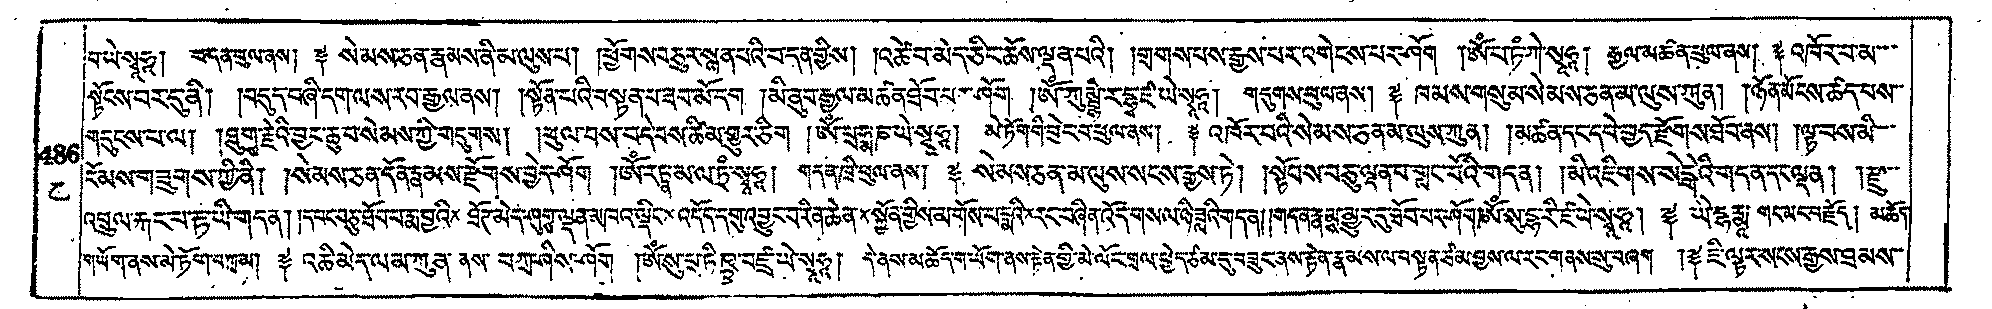བ་ཡེ་སྭཱཧཱ། བདན་ཕུལ་ནས།  འ་སེམས་ཅན་རྣམས་ནི་མ་ལུས་པ། །ཕྱོགས་བཅུར་སྙན་པའི་བ་དན་གྱིས། །འཚེ་བ་མེད་ཅིང་ཆོས་ལྡན་པའི། །གྲངས་པས་རྒྱས་པར་འགེངས་པར་ཤོག །ཨོཾ་པ་ཏཾ་ཀེ་སྭཱཧཱ། རྒྱལ་མཚན་ཕུལ་ནས།  འ་འཁོར་བ་མ་
སྟོངས་བར་དུ་ནི། །བདུད་བཞི་དག་ལས་རབ་རྒྱལ་ནས། །སྟོན་པའི་བསྟན་པ་ཟབ་མོ་དག །མི་ནུབ་རྒྱལ་མཚན་ཐོབ་པར་ཤོག །ཨོཾ་ཀུམྦྷི་ར་དྷྭ་ཛ་ཡེ་སྭཱཧཱ། གདུགས་ཕུལ་ནས། འ་ཁམས་གསུམ་སེམས་ཅན་མ་ལུས་ཀུན། །ཉོན་མོངས་ཚད་པས་
གདུངས་པ་ལ། །ཐུགས་རྗེའི་བྱང་ཆུབ་སེམས་ཀྱི་གདུགས། །ཕུལ་བས་བདེ་བས་ཚིམ་གྱུར་ཅིག །ཨོཾ་པྲཧྨ་ཎ་ཡེ་སྭཱཧཱ། མེ་ཏོག་གི་ཕྲེང་བ་ཕུལ་ནས།  འ་འཁོར་བའི་སེམས་ཅན་མ་ལུས་ཀུན། །མཚན་དང་དཔེ་བྱད་རྫོགས་ཐོབ་ནས། །ལྟ་བས་མི་
ངོམས་གཟུགས་ཀྱི་ནི། །སེམས་ཅན་དོན་རྣམས་རྫོགས་བྱེད་ཤོག །ཨོཾ་རཏྣ་མ་ལ་ཏྲཾ་སྭཱཧཱ། གདན་ཁྲི་ཕུལ་ནས།  འ་སེམས་ཅན་མ་ལུས་སངས་རྒྱས་ཏེ། །སྟོབས་བཅུ་ལྡན་པ་གླང་པོའི་གདན། །མི་འཇིགས་སེངྒེའི་གདན་དང་ལྡན། །རྫུ་
འཕྲུལ་རྐང་པ་རྟ་ཡི་གདན། །དབང་བཅུ་ཐོབ་པ་རྨ་བྱའི་྾་ཐོཌ་མེད་ཤུགས་ལྡན་མཁའ་ལྡིང་྾་འདོད་དགུ་འབྱུང་བ་རིན་ཆེན་྾་སྐྱོན་གྱིས་མ་གོས་པདམའི་྾་རང་བཞིན་འོད་གསལ་ཉི་ཟླའི་གདན། །གདན་རྣམས་མྱུར་དུ་ཐོབ་པར་ཤོག །ཨོཾ་སུ་དྷ་རི་ཛ་ཡེ་སྭཱཧཱ། འ་ཡེ་དྷ་རྨཱ་གང་མང་བརྗོད། མཆོད་
གཡོག་ནས་མེ་ཏོག་བཀྲམ། འ་འཆི་མེད་ལམ་ཀུན་ནས་བཀྲ་ཤིས་ཤོག །ཨོཾ་སུ་པྲ་ཏི་ཥཊཿཨ་བཛྲ་ཡེ་སྭཱཧཱ། དེ་ནས་མཆོད་གཡོག་ནས་རྟེན་གྱི་མེ་ལོང་གྲལ་ཕྱེད་ཙམ་དུ་བཟུང་ནས་རྟེན་རྣམས་ལ་བསྟན་ཙམ་བྱས་ལ་རང་གནས་སུ་བཞག་།འཇི་ལྟར་སངས་རྒྱས་ཐམས་